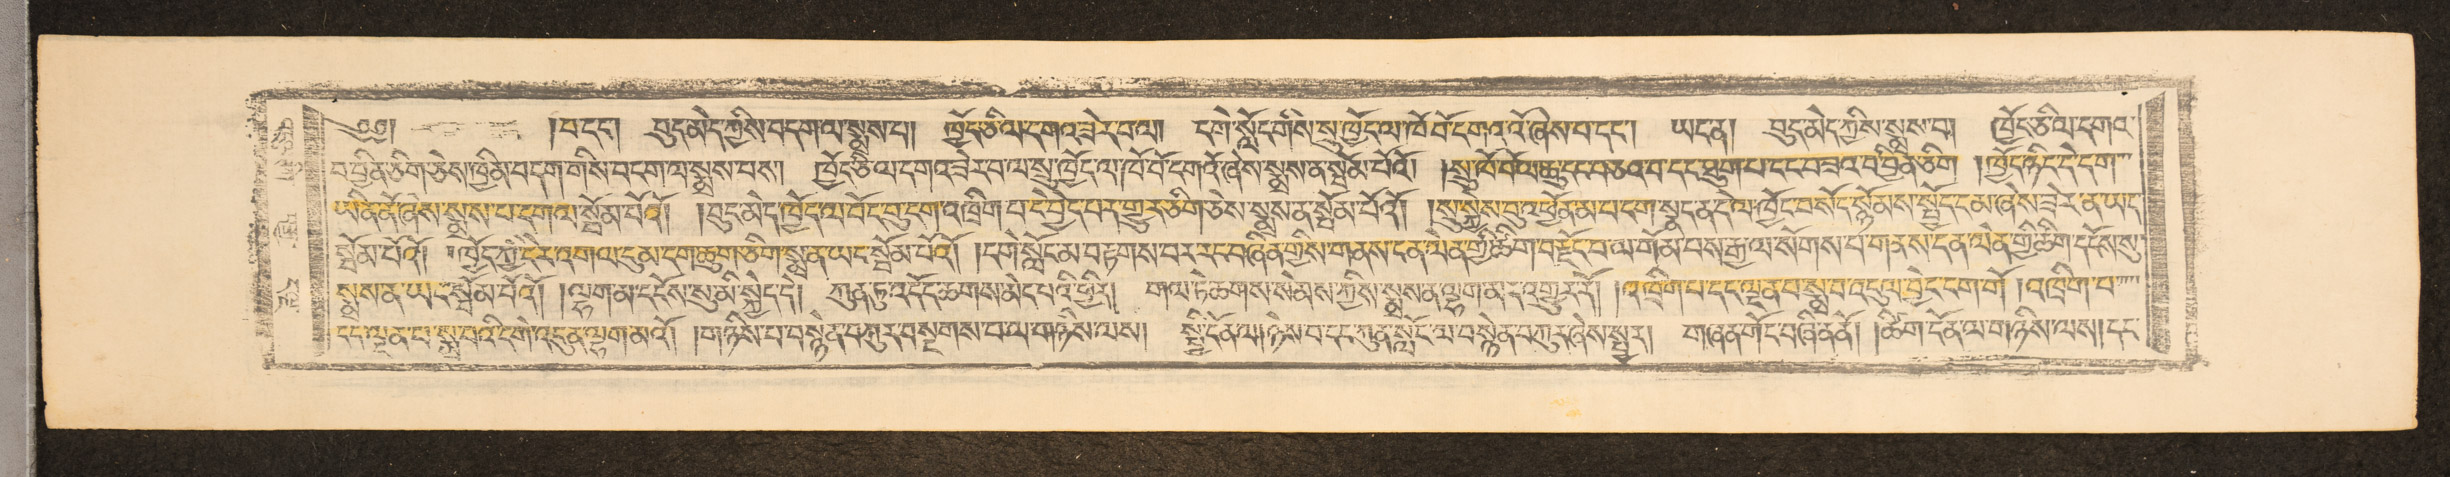༄༅། །པ་དང་། བུད་མེད་ཀྱིས་བདག་ལ་སྨྲས་པ། ཁྱོད་ཅི་ལ་དགའ་ཟེར་བ་ལ། དགེ་སློང་གིས་སྲུ་ཁྱོད་ལ་ཁོ་བོ་དགའ་འོ་ཞེས་པ་དང་། ཡང་ན། བུད་མེད་ཀྱིས་སྨྲས་པ། ཁྱོད་ཅི་ལ་དགའ་
བ་བྱིན་ཅིག་ཅེས་ཁྱིམ་བདག་གིས་བདག་ལ་སྨྲས་པས། ཁྱོད་ཅི་ལ་དགའ་ཟེར་བ་ལ་སྲུ་ཁྱོད་ལ་ཁོ་བོ་དགའོ་ཞེས་སྨྲས་ན་སྦོམ་པོའོ། །སྲུ་ཁོ་བོ་ལ་ཆུ་དང་བཅའ་བ་དང་ཐུག་པ་དང་བཟའ་བ་བྱིན་ཅིག །ཁྱོད་ཉིད་དེ་དག་
ཡིན་ནོ་ཞེས་སྨྲས་པ་དག་ལ་སྦོམ་པོའོ། །བུད་མེད་ཁྱོད་ལ་བོད་བུ་དག་འཁྲིག་པ་དེ་བྱེད་པར་གྱུར་ཅིག་ཅེས་སྨྲས་ན་སྦོམ་པོའོ། །སྲུ་སྐྱེས་བུ་འཕྱོན་མ་པ་དག་སྣད་ན་དེ་ལ་ཁྱོད་བསོད་སྙོམས་སྤྱོད་དམ་ཞེས་ཟེར་ན་ཡང་
སྦོམ་པོའོ། །ཁྱོད་ཀྱི་དེར་འགལ་དུམ་དག་ཆུག་ཅིག་སྨྲ་ན་ཡང་སྦོམ་པོའོ། །དགེ་སློང་མ་བརྟགས་པར་རང་བཞིན་གྱིས་གནས་ངན་ལེན་གྱི་ཚིག་བརྗོད་པ་ལ་གོམ་པས་རྒྱ་ལ་སོགས་བ་གནས་ངན་ལེན་གྱི་ཚིག་དངོས་སུ་
སྨྲས་ན་ཡང་སྦོམ་པོའོ། །ལྷག་མ་དངོས་སུ་མི་སྐྱེད་དེ། ཀུན་ཏུ་འདོད་ཆགས་མེད་པའི་ཕྱིར། གལ་ཏེ་ཆགས་སེམས་ཀྱིས་སྨྲས་ན་ལྷག་མར་འགྱུར་རོ། །འཁྲིག་པ་དང་ལྡན་པ་སྨྲ་བ་འདུལ་བྱེད་དག་གོ །འཁྲིག་པ་
དང་ལྡན་པ་སྨྲ་བའི་དགེ་འདུན་ལྷག་མའོ། །གཉིས་པ་བསྙེན་བཀུར་བསྔགས་པ་ལ་གཉིས་ལས། སྤྱི་དོན་ལ། ཉེས་པ་དང་ཀུན་སློང་ལ་བསྙེན་བཀུར་ཞེས་སྦྱར། གཞན་གོང་བཞིན་ནོ། །ཚིག་དོན་ལ་གཉིས་ལས། དང་